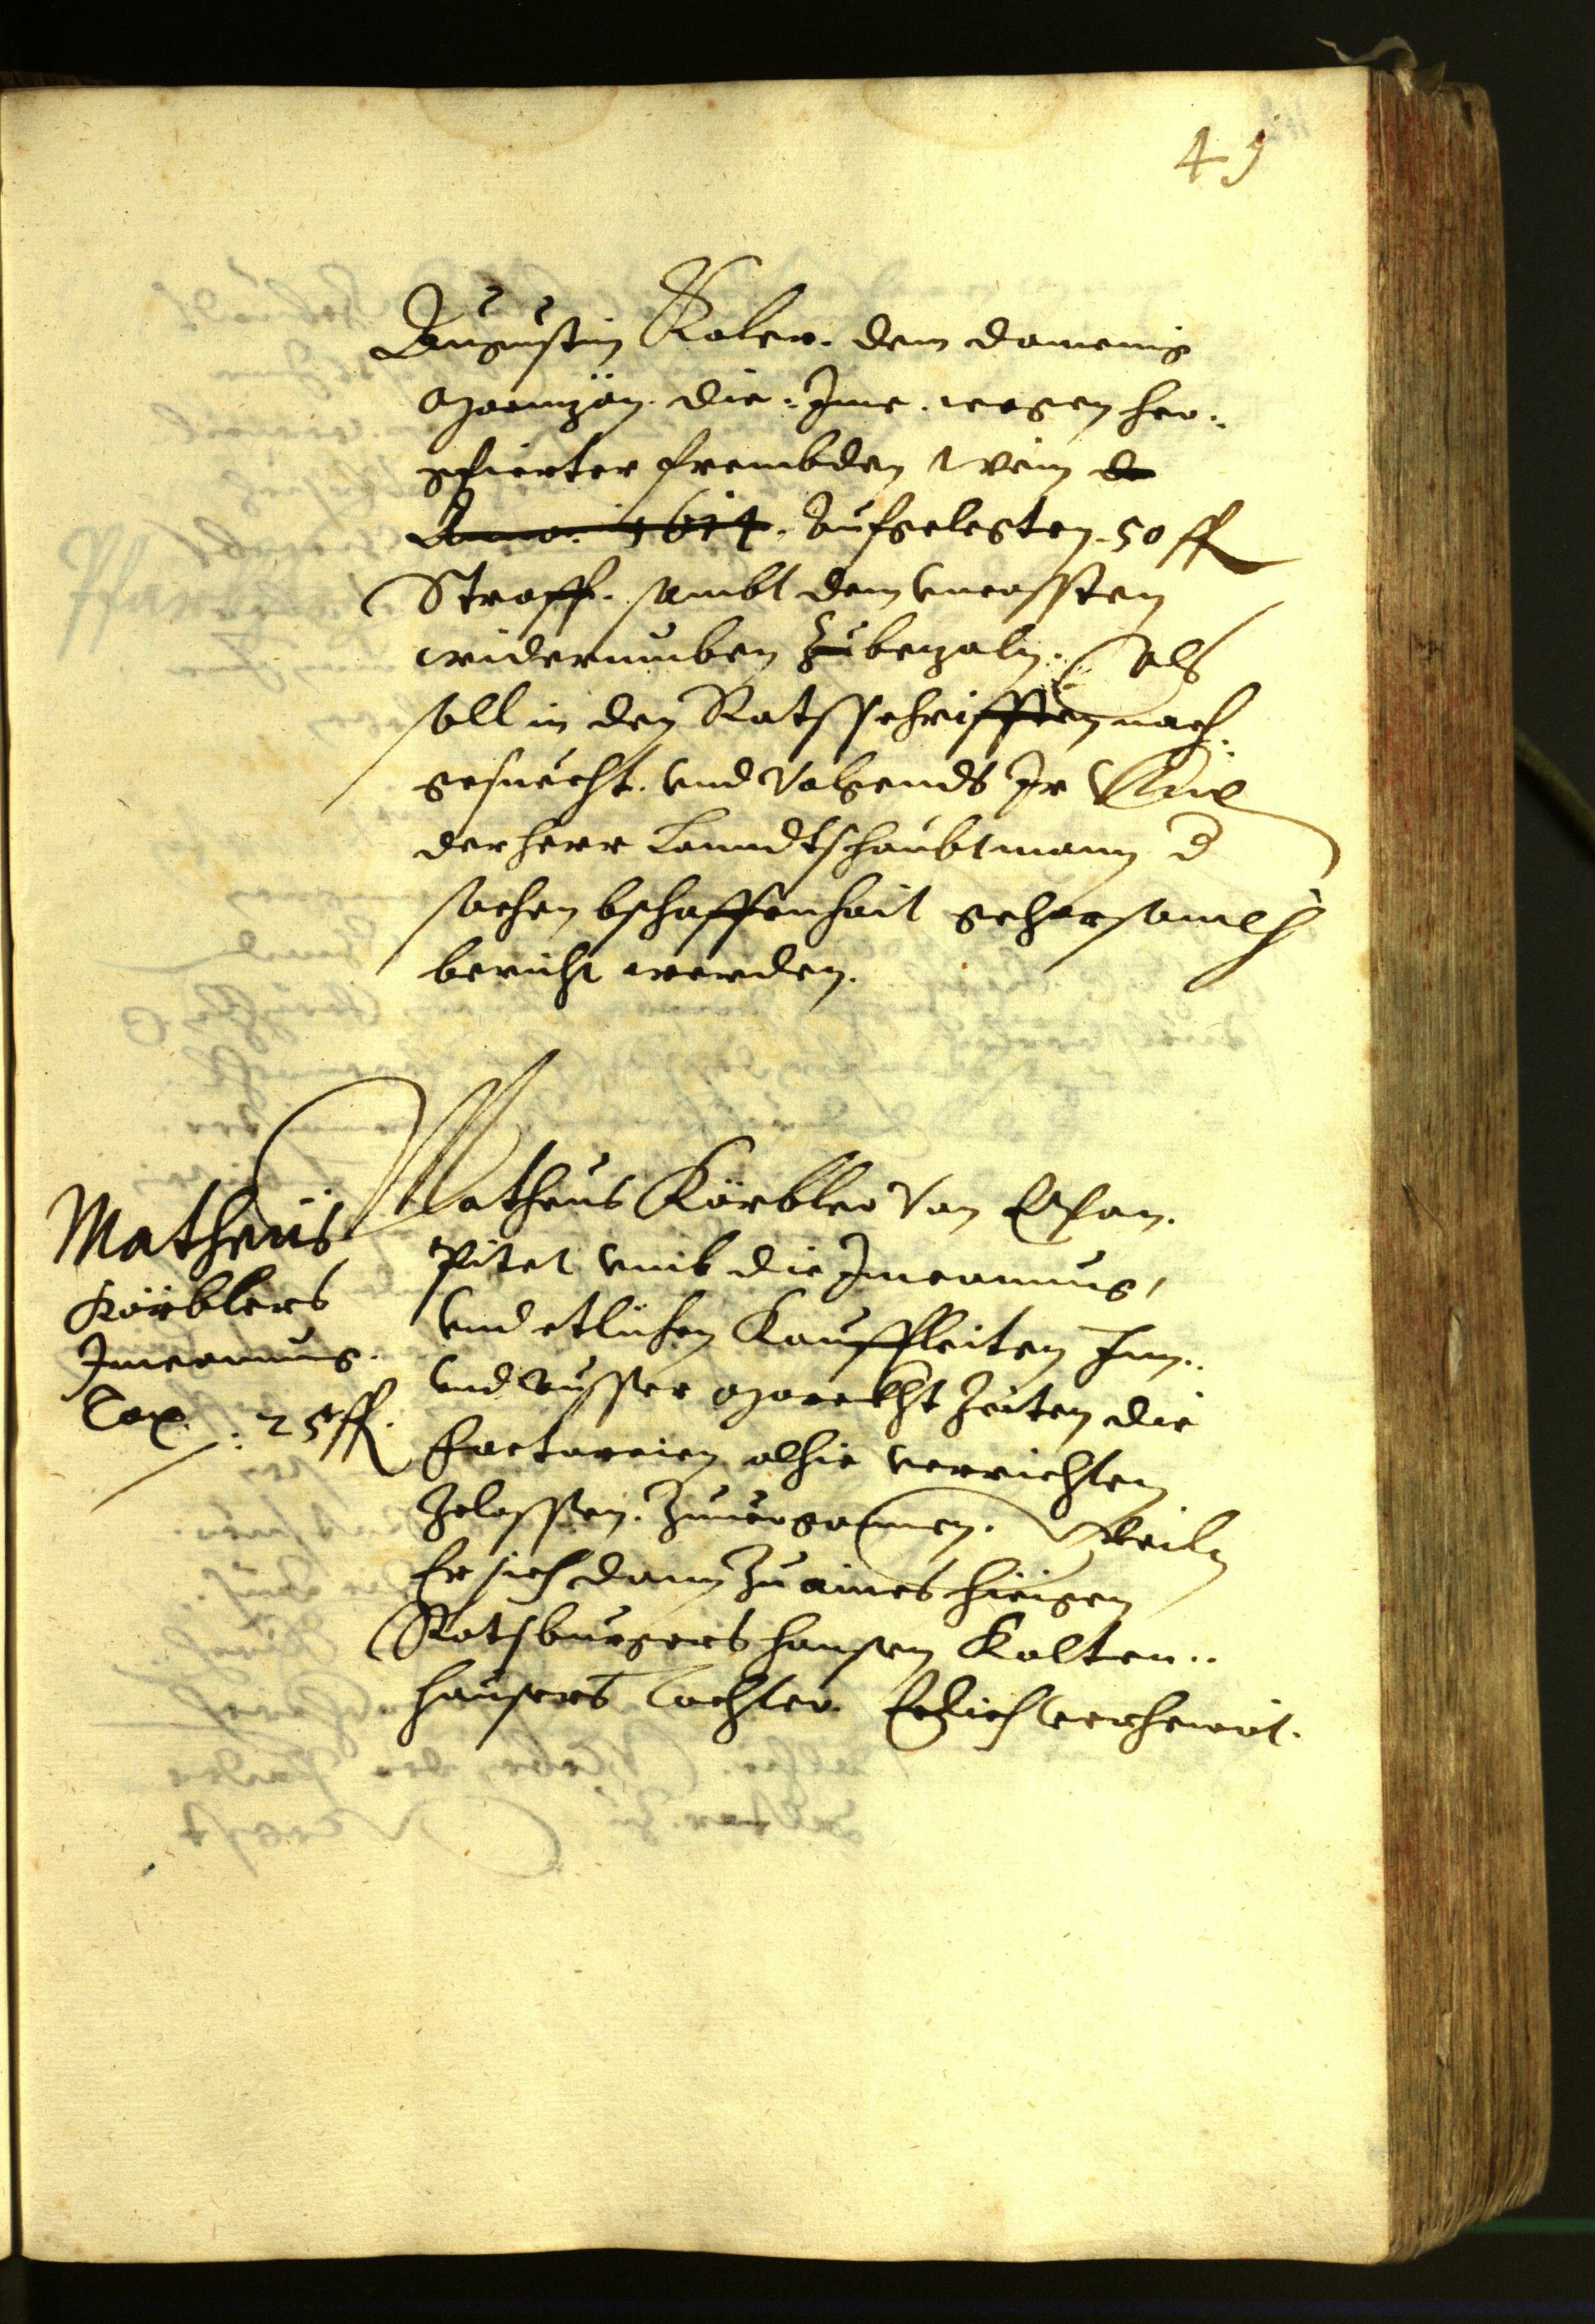41
Aūgūstin Koler. dem domenig
Marnzän. die: Ime. wegen her¬
gefierter frembden Wein der
Anno. 1614. Aūfgelegten 50 fl
Straff. sambt dem vncossten
widerūmben Zū bezaln. Als
soll in den Ratsschrifften nach¬
gesūecht. vnd Volgends Ir Gn
der herr Lanndtshaūbtmann d
sachen beschaffenhait gehorsamlich
bericht werden.
Matheūs Körbler Von EPan.
Pitet umb die Inwonūng,
vnd etlichen Kaūffleiten Inn¬
vnd Aūsser Marckht Zeiten die
Factoreien alhie verrichten
Zelassen. Zūuērgonnen. Weiln
Er sich dann Zū aines hieigen
Ratsbūrgers hansen Kalten¬
haūsers Tochter Eelich verheirat.
Matheüs
Körblers
Inwonūng.
Tax —: 25 fl.